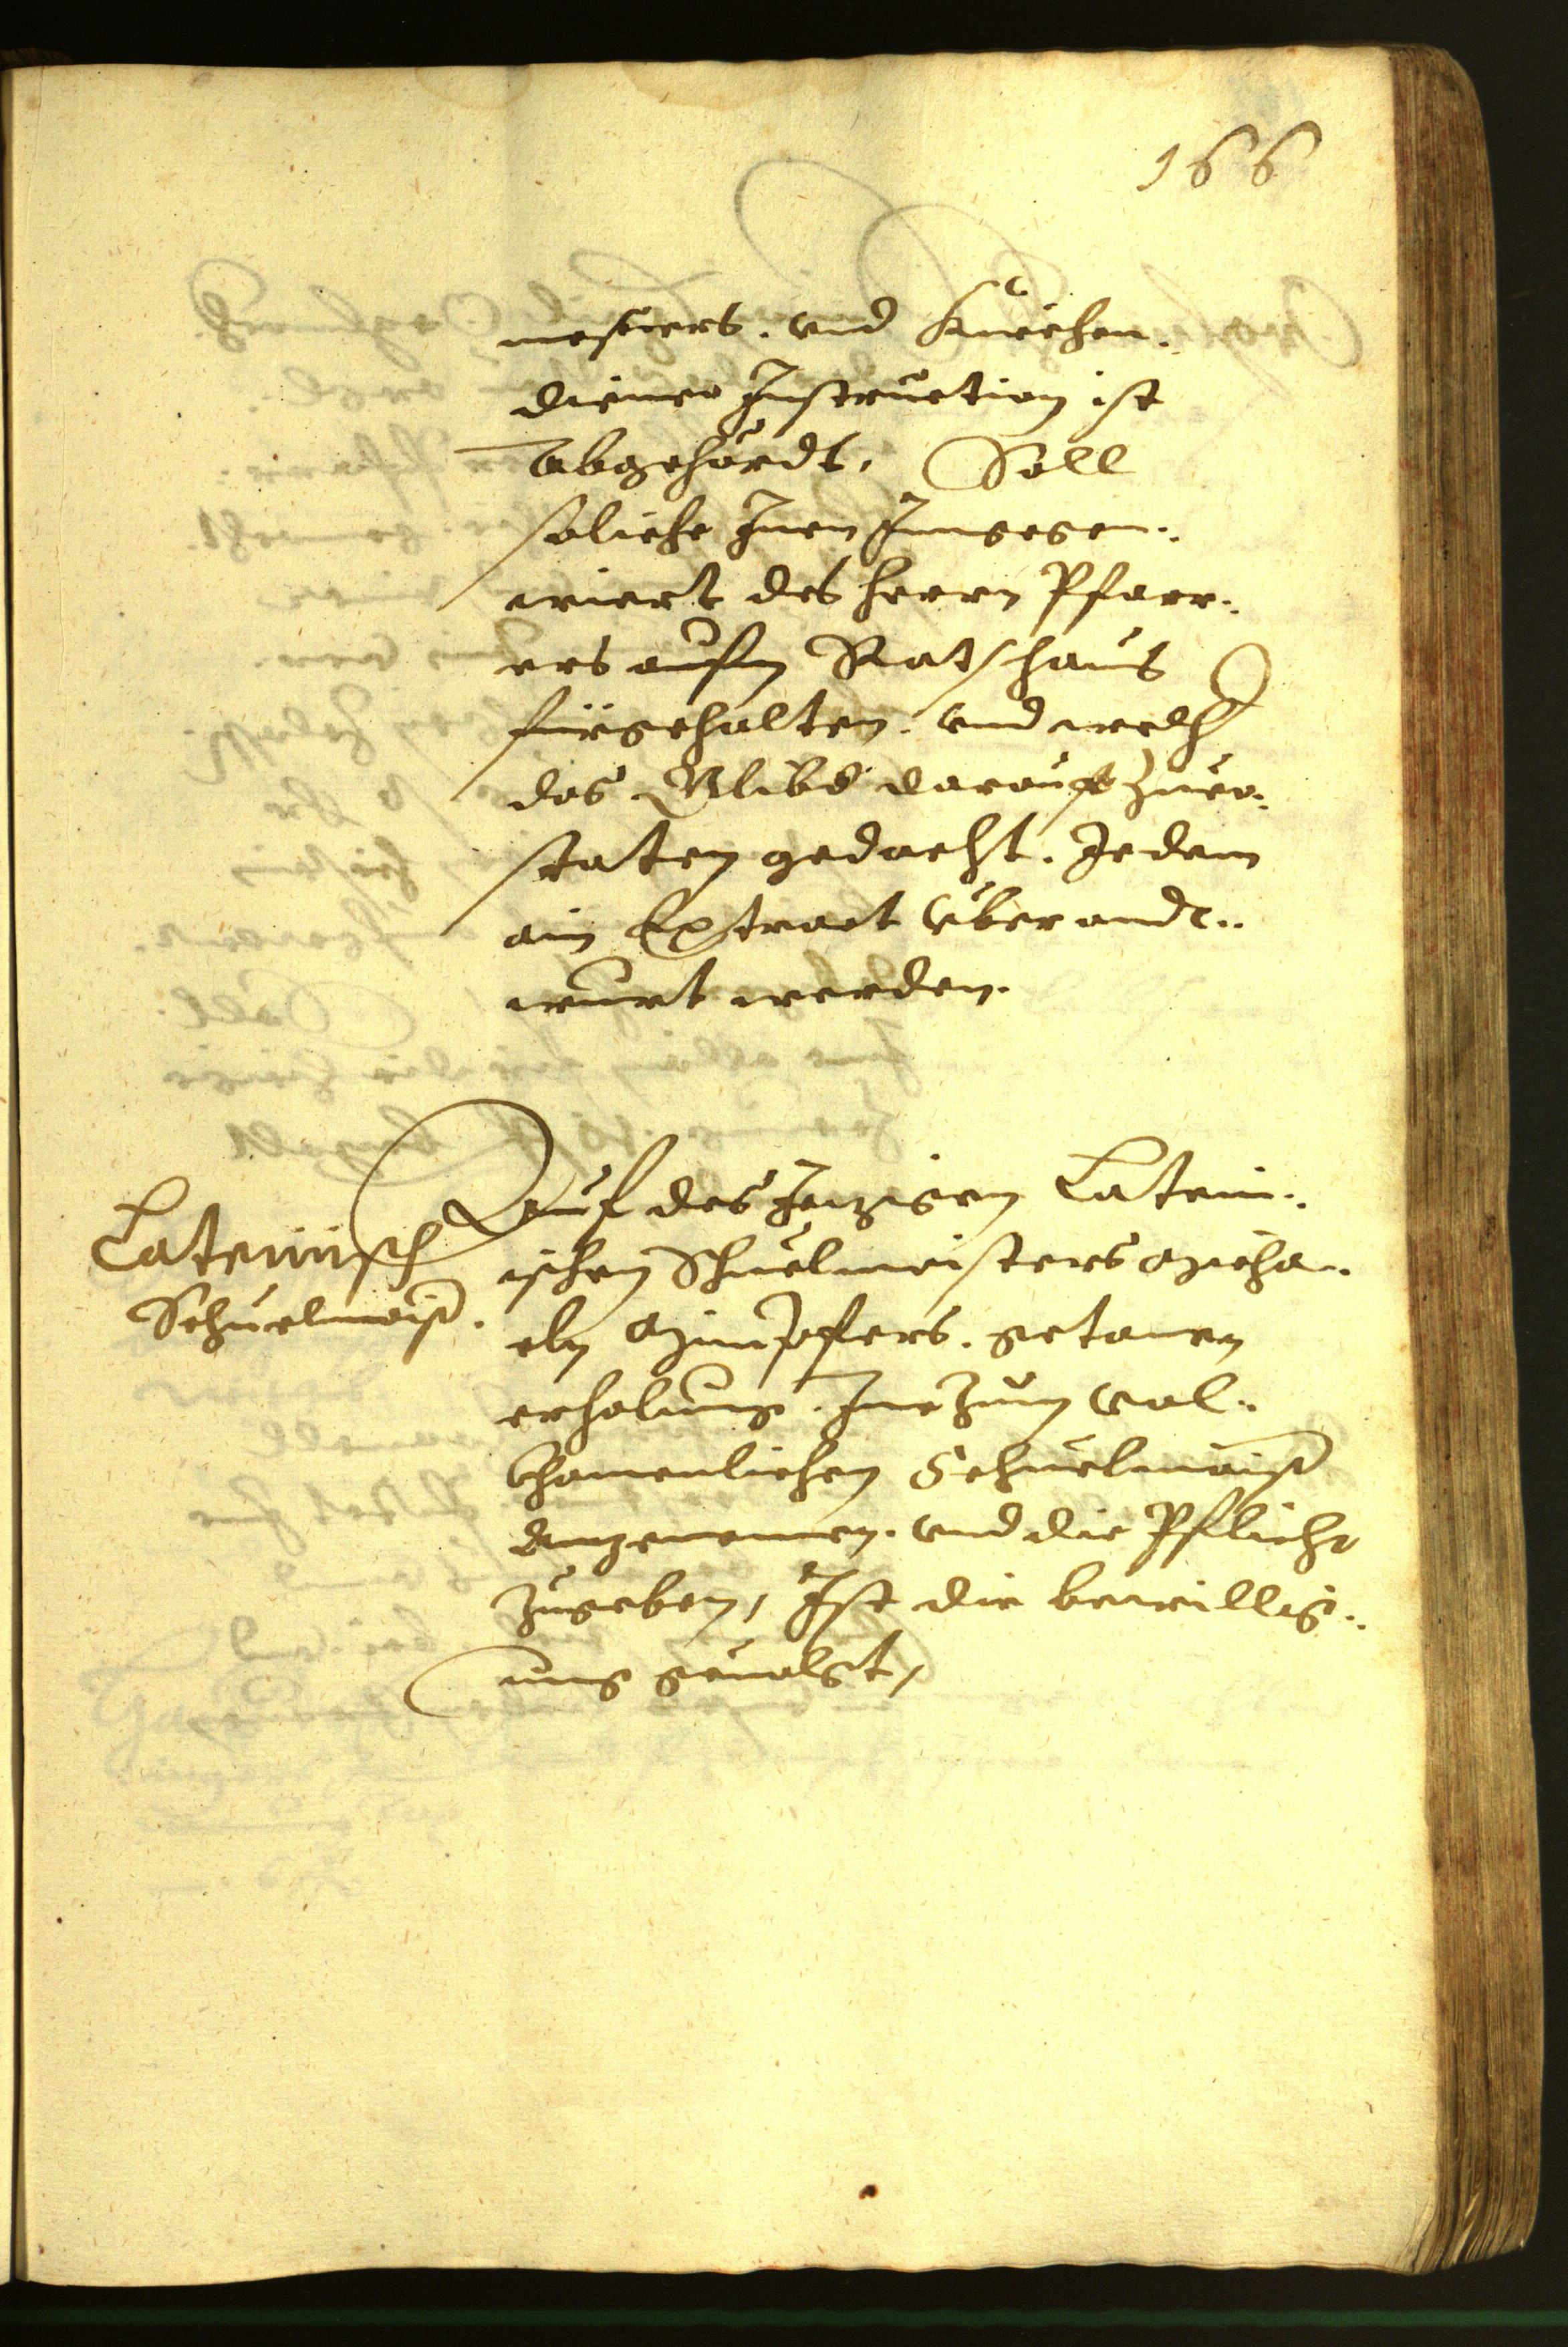166
mesners. vnd Kirchen¬
diener Instrūction ist
Abgehōrdt. Soll
soliche Inen Inngegen¬
wiert des herrn Pfarr¬
ers aūfm Ratshaūs
fürgehalten. vnd welh
das Glibd daraūf Zūer¬
staten gedacht. Jedem
ain Extract v̄ber andt¬
wūrt werden.
Aūf des Jezigen Latein¬
ischen Schūelmaisters Micha¬
eln MimPfers. getanen
erholūng. Ime Zūm vol¬
khomenlichen Schūelmaist
Anzenemen. vnd die Pflicht
Zūgeben, Ist die bewillig¬
ūng geūolgt,
Lateinisch
Schūelmaist.